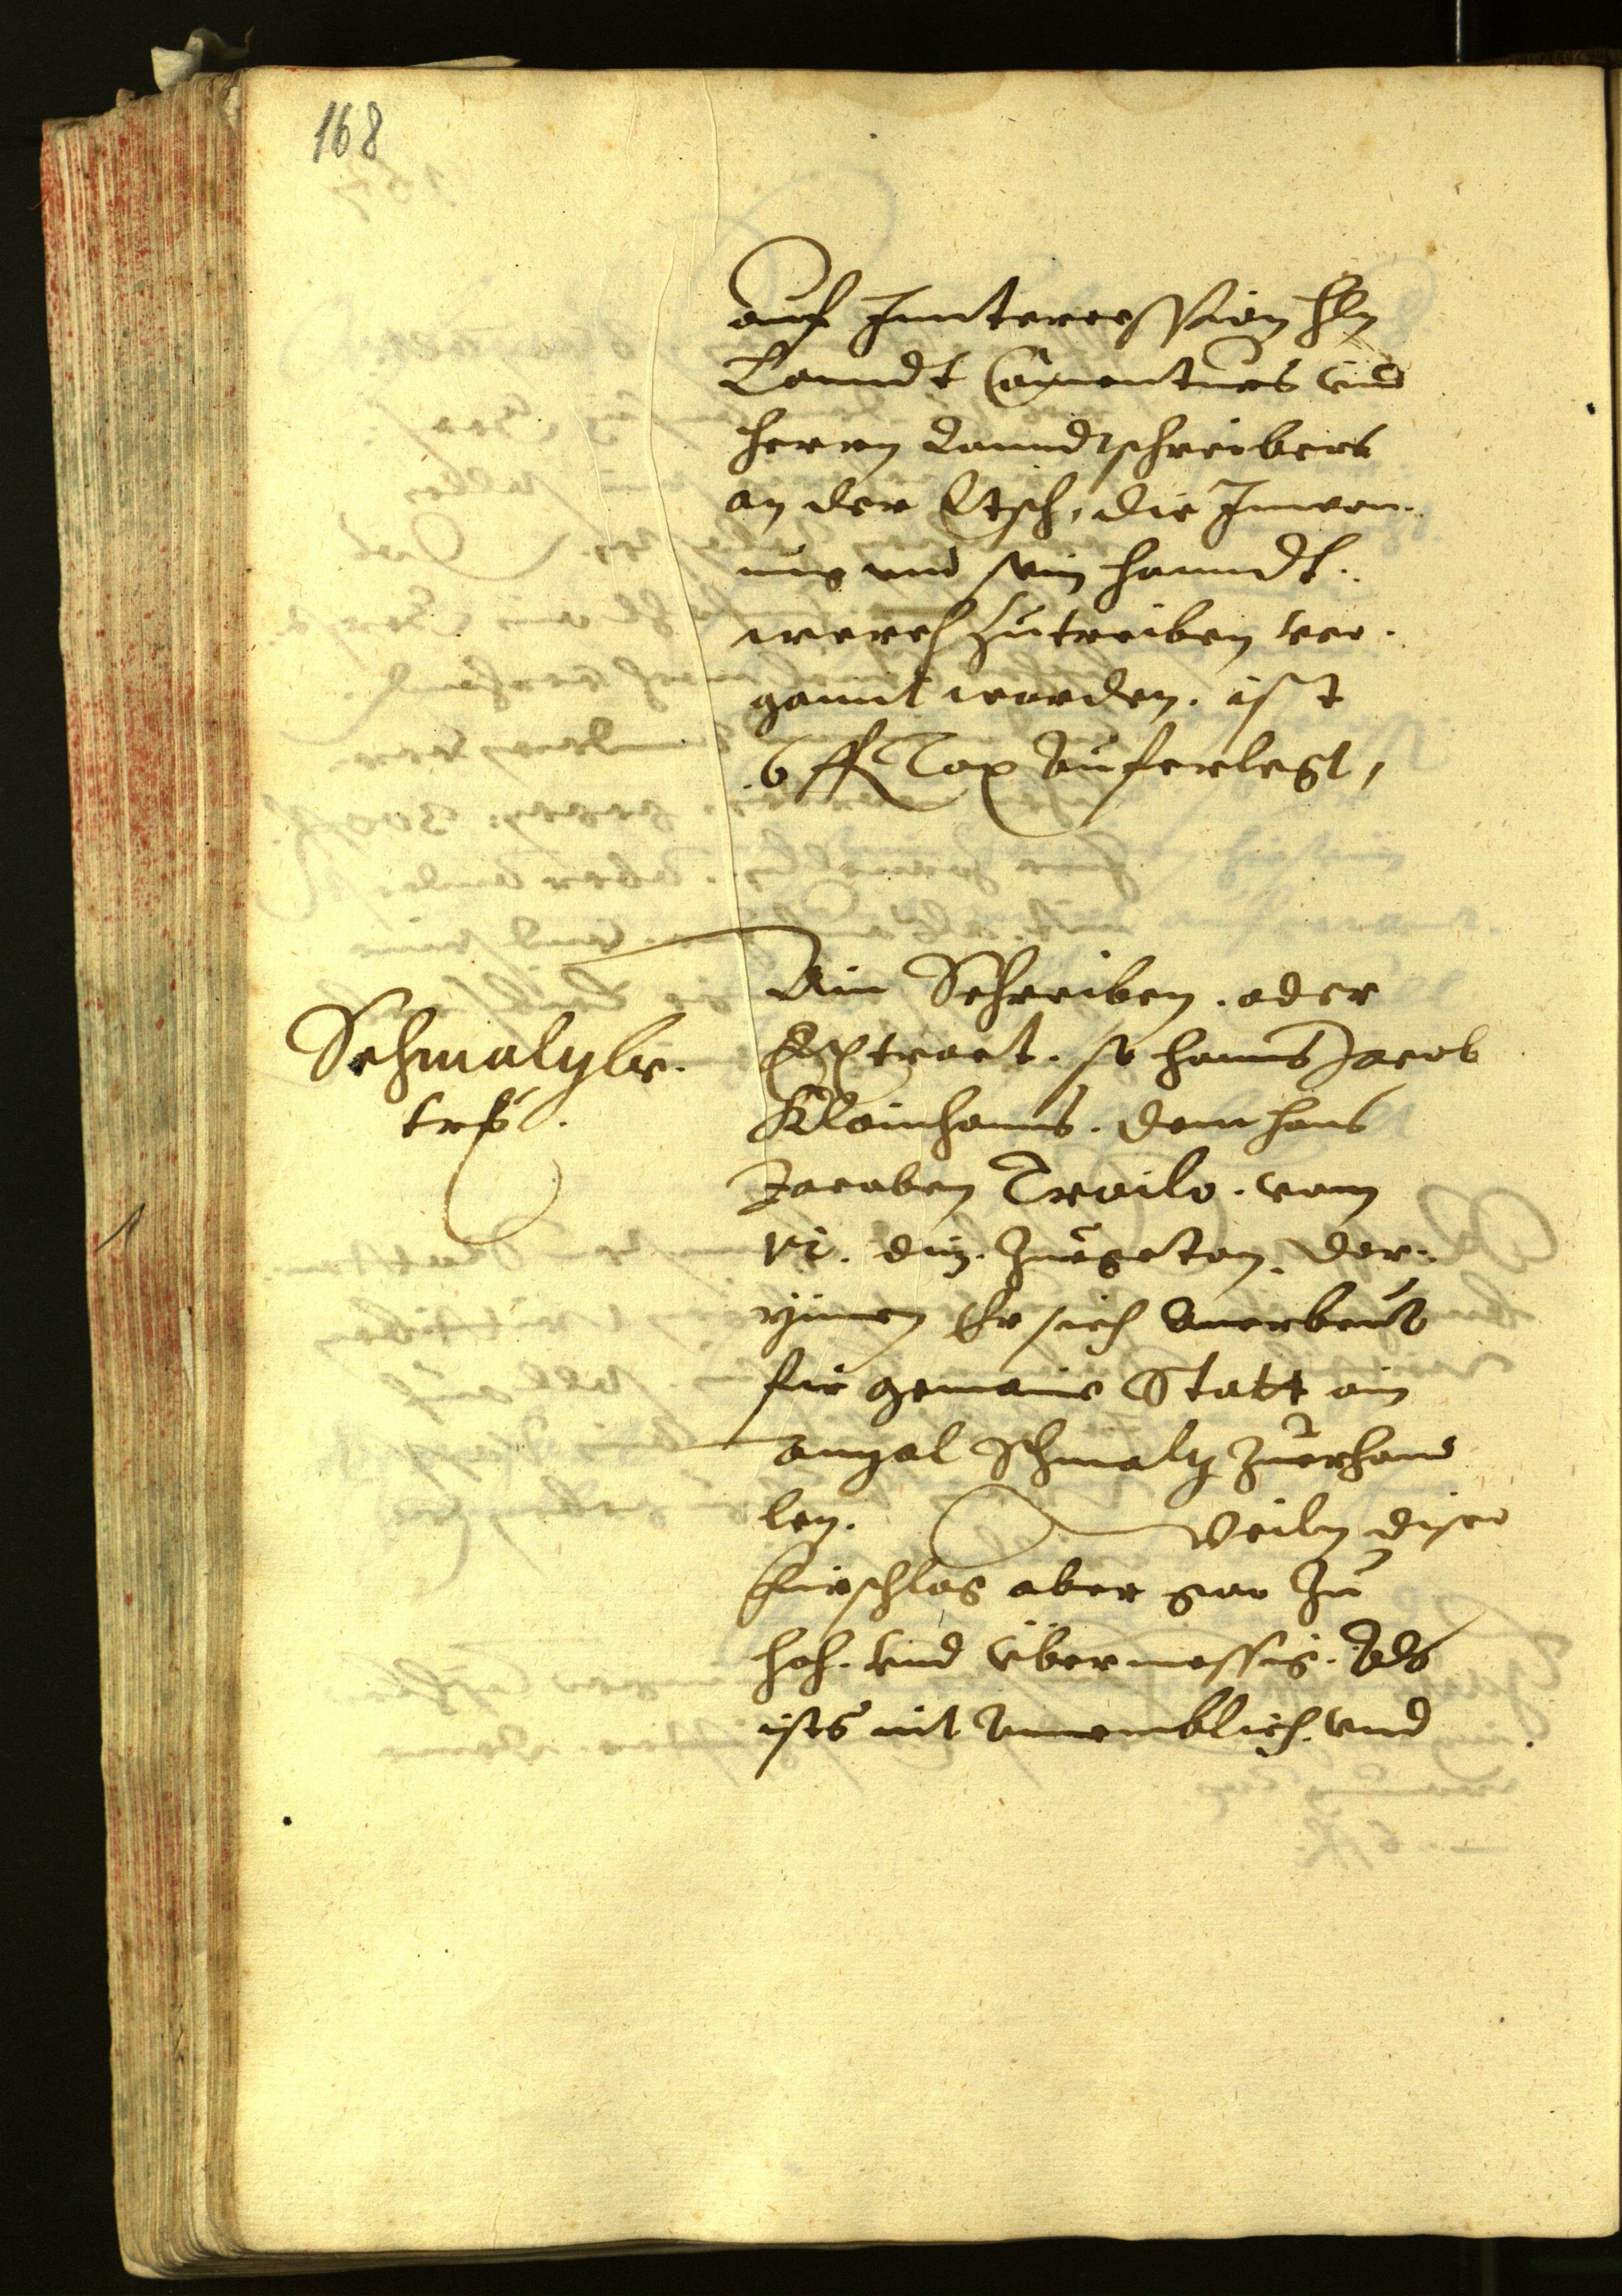168
aūf Intercession hln
Lanndt Comentūrs vnd
herrn Lanndtschreibers
an der Etsch, die Inwon¬
ūng vnd sein hanndt¬
werch Zūtreiben ver¬
gonnt worden. ist
.6 fl Tax aūferlegt,
Ain Schreiben. oder
Extract. so hanns Jacob
Klainhanns. dem hans
Jacoben Troilo. vom
12. diz. Zūegetan. dar¬
ÿnnen Er sich Anerbeūt
fir gemaine Statt ain
Annzal Schmalz Zūerhand¬
len. Weiln diser
Firschlag aber gar Zū
hoh. vnd v̈bermessig. Als
ists nit Annemblich. vnd
Schmalz be¬
tr.